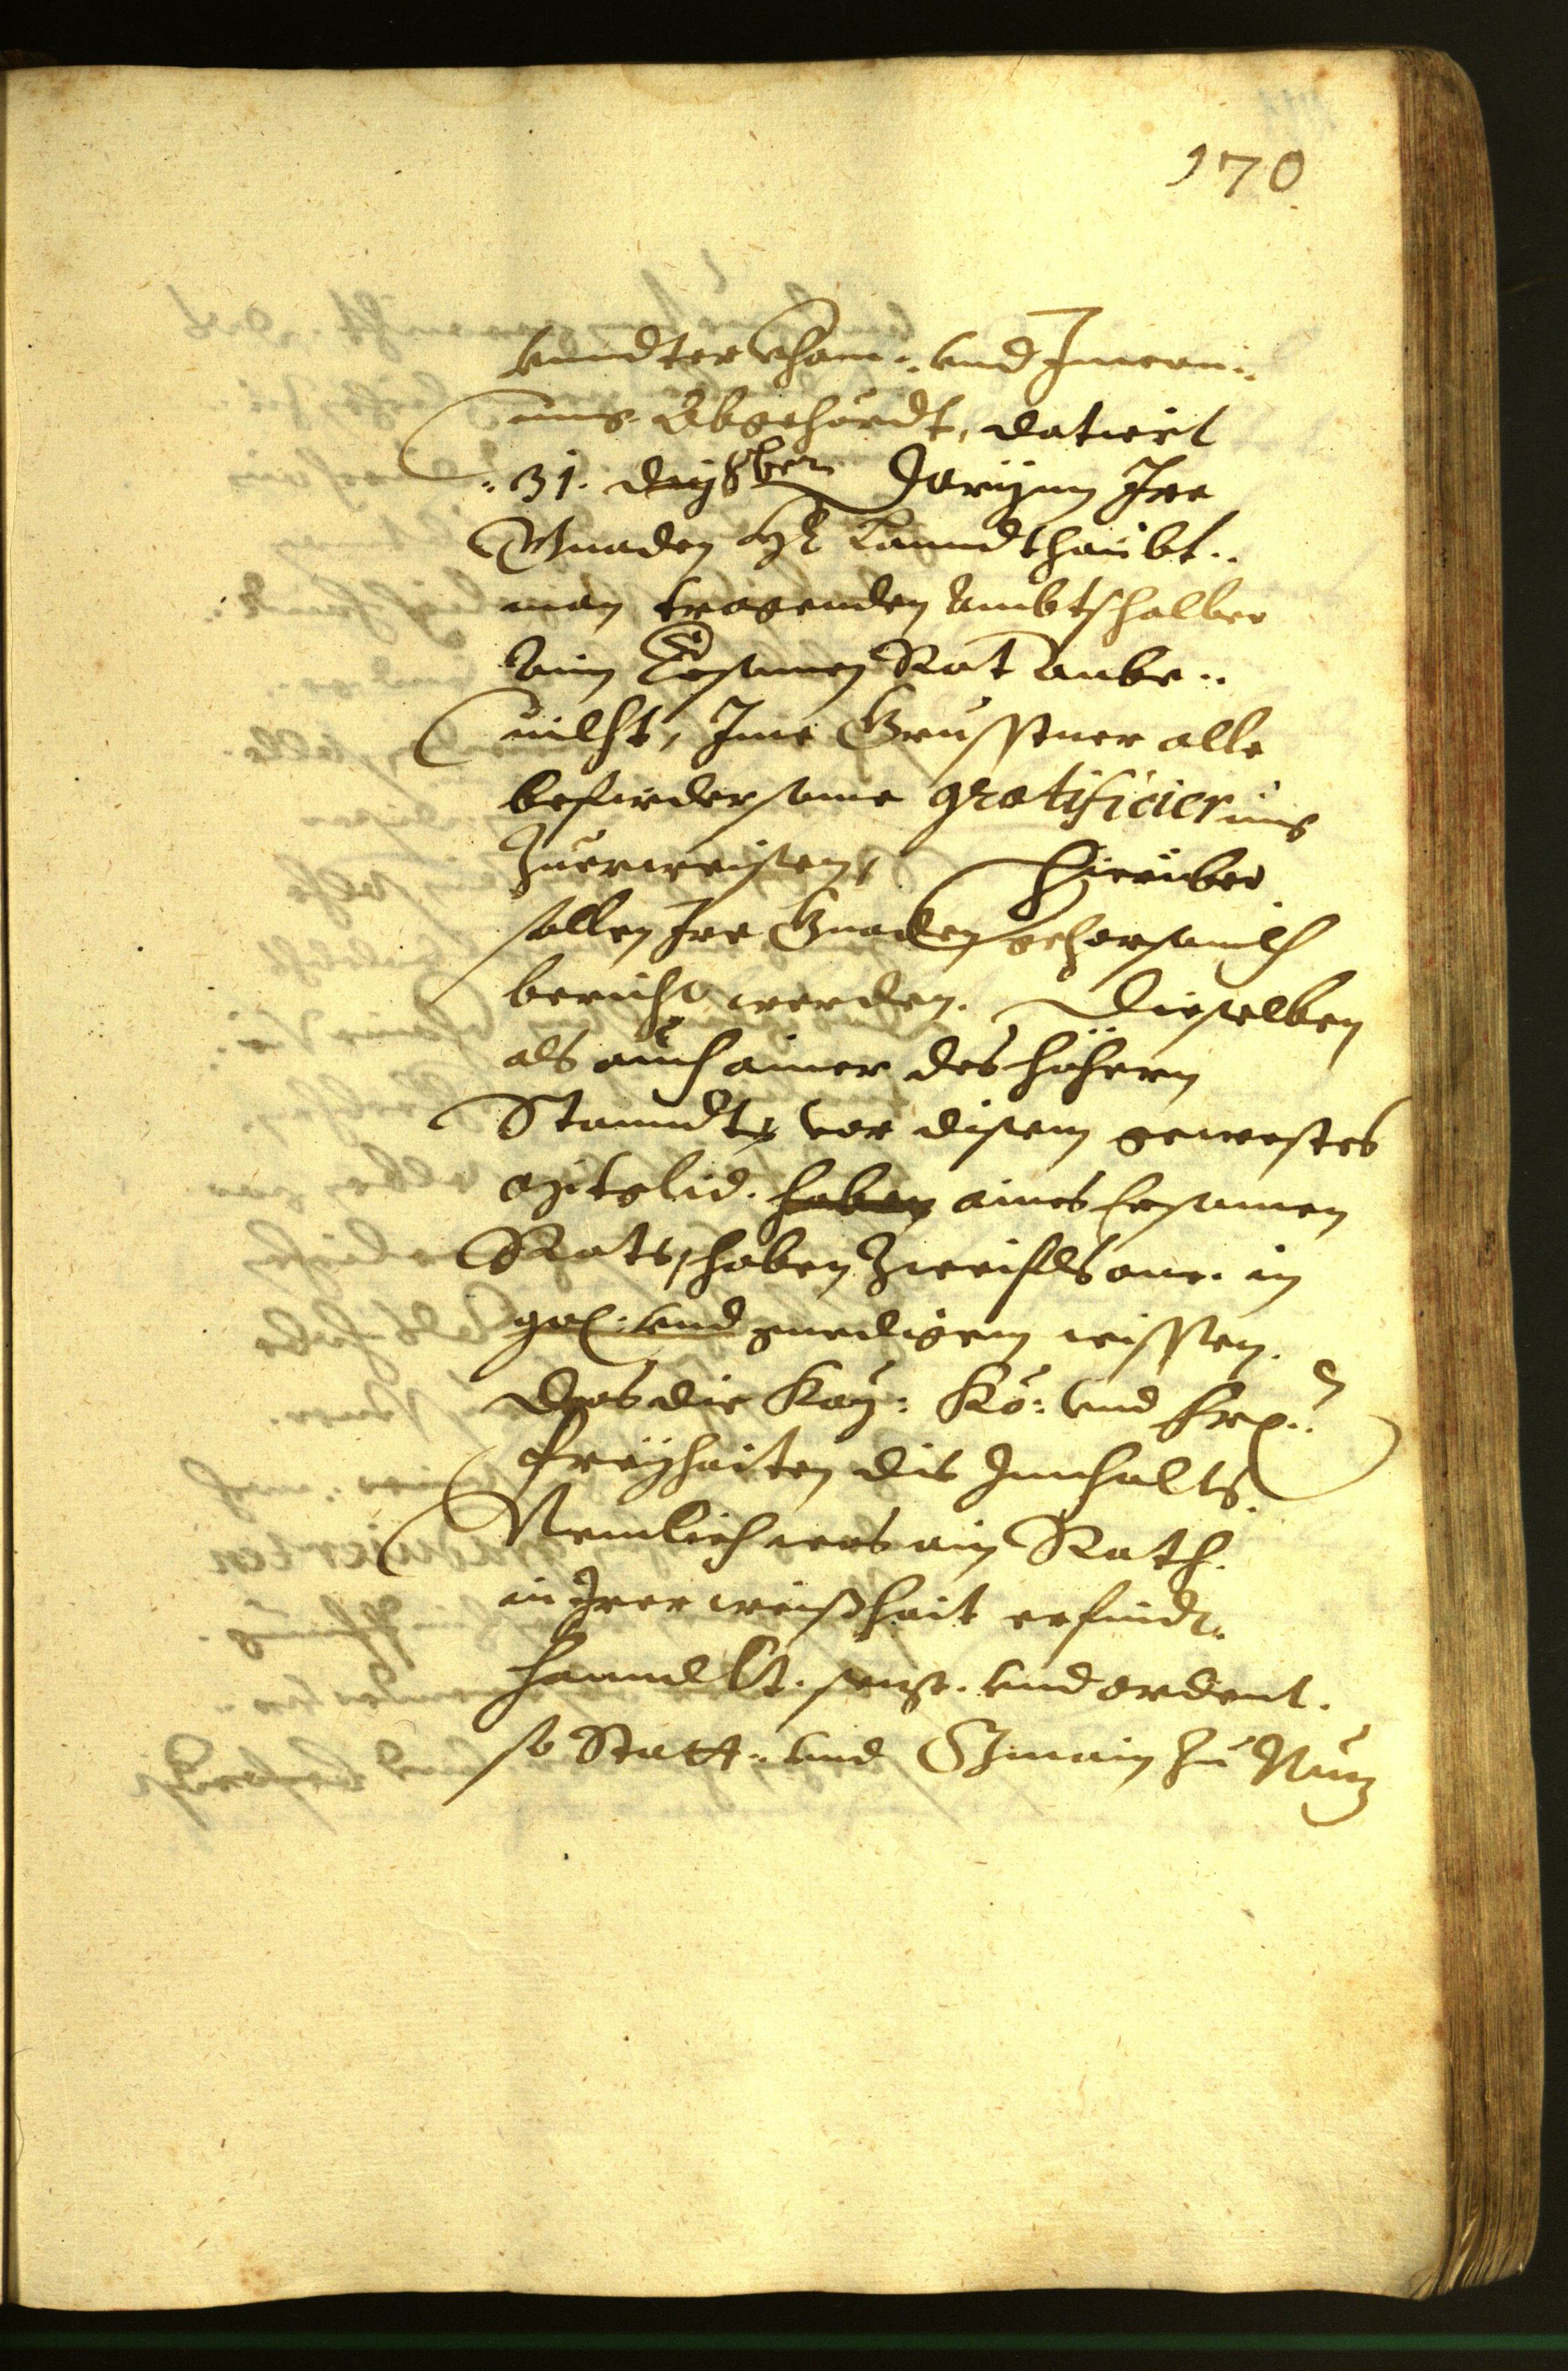170
vnndter khom: vnd Inwon¬
ūng. Abgehördt, datiert
:31. diz october. Darÿnn Ire
Gnaden Hl Lanndhaūbt¬
man tragenden Ambtshalber
Aim Ersamen Rat Anbe¬
vilht, Ime Grūesstner alle
befirdersame gratificierūng
Zūerweisen. Hieriber
sollen Ire Gnaden gehorsamlich
bericht werden. Dieselben
als aūch ainer des höhern
Stanndts vor disem gewestes
Mitglid. haben aines Ersamen
Rats, haben Zweifels one. in
go: vnd gnedigem wissen.
das die Kaȳ: Kō: vnd Frl:
Freÿhaiten dis Innhalts.
Nemlich was ain Rath.
in Irer weißhait erfindt.
hanndlt. sezt. vnd ordent.
so Statt: vnd Gmain Zū Nūz